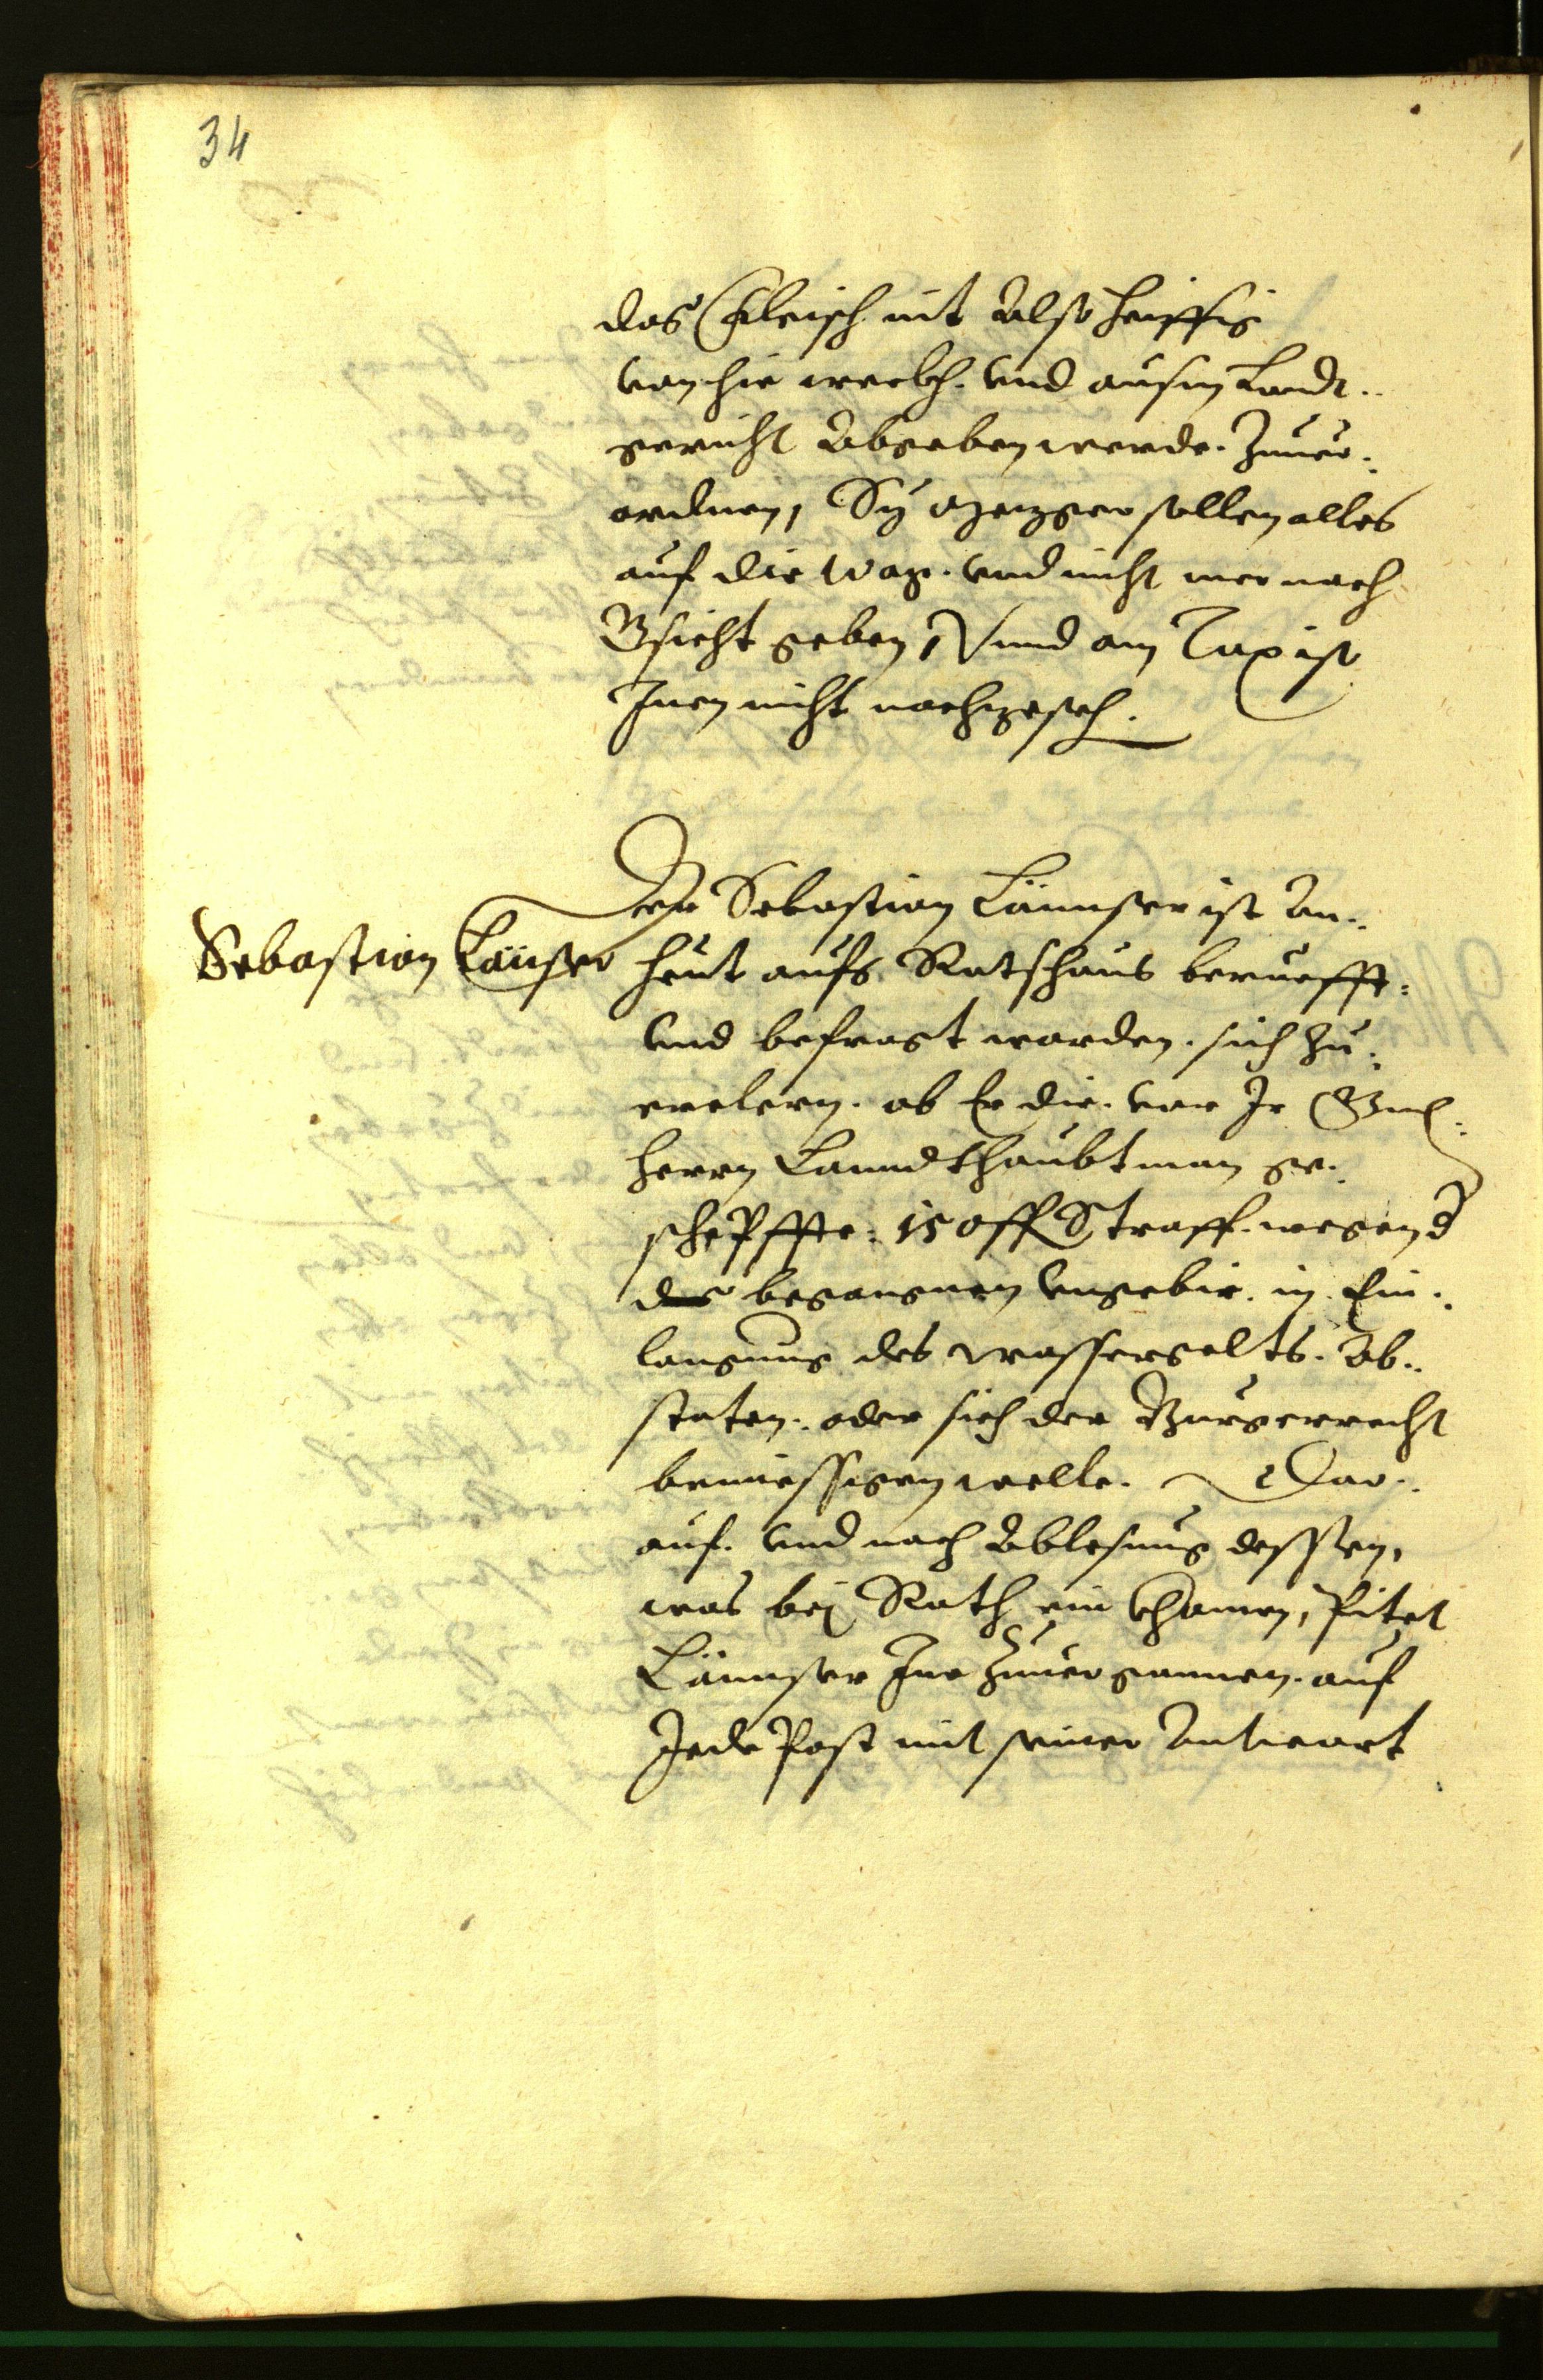34
das Fleisch nit Also heiffig
von hie weckh. vnd aūsm Landt¬
gericht Abgeben werde. Zūver¬
ordnen, Sȳ Mezger sollen alles
aūf die Wag. vnd nicht mehr nach
Bsicht geben, Vnd am Tax ist
Inen nicht nachzeseh.
Der Sebastian Lännser ist An¬
heūt aūfs Ratshaūs berūefft¬
vnd befragt worden, sich Zū¬
ercleren. ob Er die vor Ir Gn:
herrn Lanndthaūbtman ge¬
schePffte: 150 fl Straff. wegen d
des begangnen Ungebir. in Ein¬
langūng des Wassergelts. Ab¬
staten: oder sich der Būrgerrecht
bemiessigen welle. Dar¬
aūf. vnd nach Ablesūng dessen,
was bei Rath ein khomen, Pitet
Lännser Ine Zūūergonnen. aūf
Jede Post mit seiner Antwort
Sebastian Länser